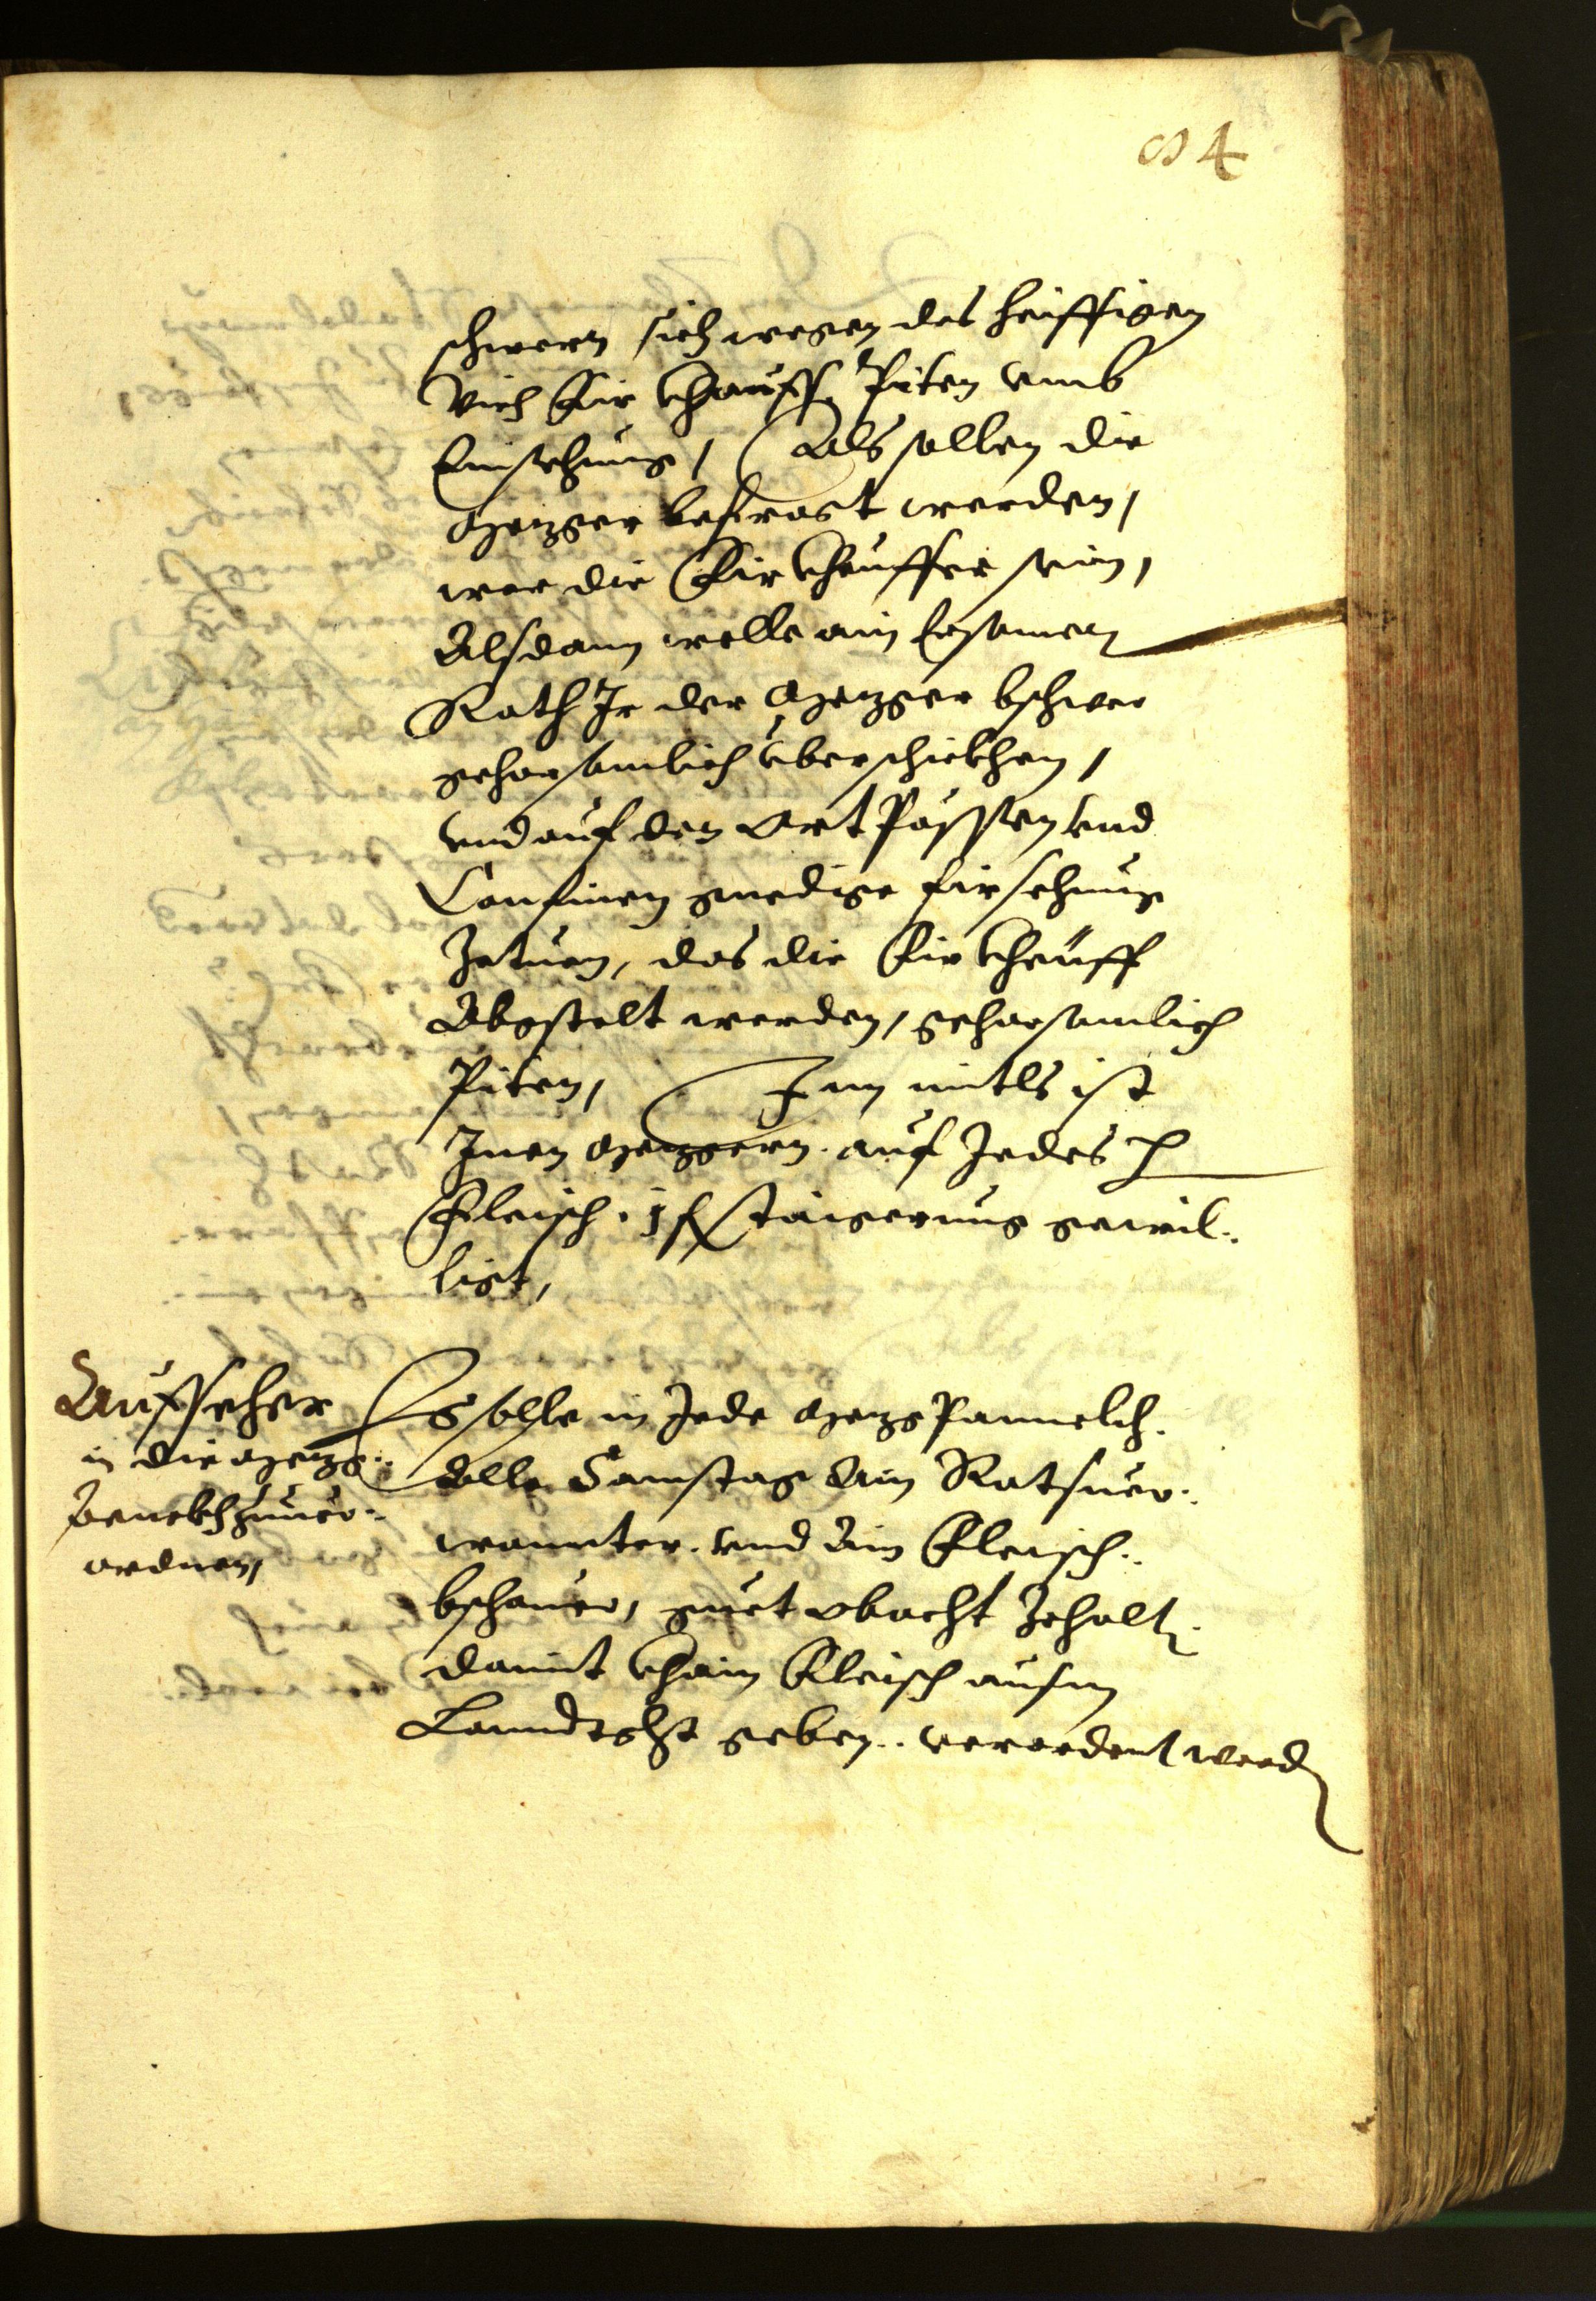84
schwern sich wegen des heiffigen
Vieh Fir khaūfs. Piten vmb
Einsehūng, Als sollen die
Mezger befragt werden,
wer die fir kheūffer sein,
Alsdann welle ain Ersamer
Rath Ir der Mezger bschwer
gehorsamlich v̄berschickhen
vnd aūf den Ort Pāssen vnd
Confinen gnedige firsehūng
Zetūen, das die fir kheūff
Abgstelt werden, gehorsamlich
Piten. Inn mitls ist
Inen Mezgern. aūf Jedes L
fleisch. 1 fl staigerūng gewil¬
ligt,
Es solle in Jede Mezg Pannckh
Alle Samstag Ain Ratsver¬
wannter. vnd Ain Fleisch¬
bschaūer, gūet obacht Zehalt,
damit khain fleisch aūsm
Lanndtght geben.. verordent werd
Aūfseher
in die Mezg¬
Penckh Zūūer¬
ordnen,